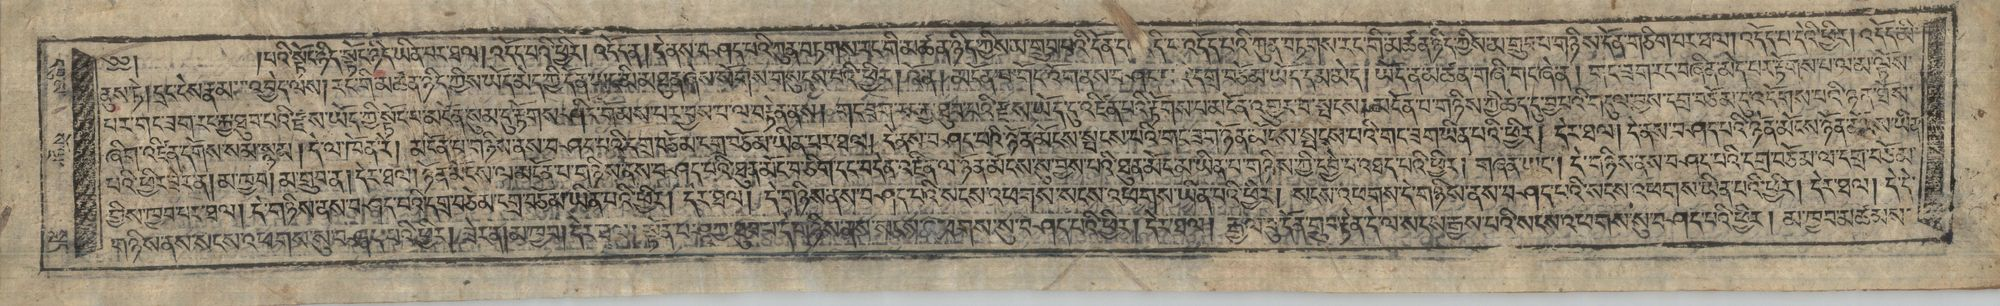༄༅། །པའི་སྟོང་ཉིད་སྟོང་ཉིད་ཡིན་པར་ཐལ། འདོད་པའི་ཕྱིར། འདོད་ན། དེ་ནས་བཤད་པའི་ཀུན་བཏགས་རང་གི་མཚན་ཉིད་ཀྱིས་མ་གྲུབ་པའི་དོན་དང་འདི་པ་འདོད་པའི་ཀུན་བཏགས་རང་གི་མཚན་ཉིད་ཀྱིས་མ་གྲུབ་པ་གཉིས་དོན་གཅིག་པར་ཐལ། འདོད་པ་དེའི་ཕྱིར། འདོད་མི་
ནུས་ཏེ། དྲང་ངེས་རྣམ་འབྱེད་ལས། རང་གི་མཚན་ཉིད་ཀྱིས་ཡོད་མེད་ཀྱི་དོན་ཡང་མི་མཐུན་ཞེས་སོགས་གསུངས་པའི་ཕྱིར། འོ་ན། མངོན་པ་གོང་འོག་ནས་བཤད་པའི་དགྲ་བཅོམ་ཡོད་དམ་མེད། ཡོད་ན་མཚན་གཞི་གང་ཞེ་ན། གང་ཟག་རང་བཞིན་མེད་པར་རྟོགས་པ་ལ་མ་ལྟོས་
པར་གང་ཟག་རང་རྐྱ་ཐུབ་པའི་རྫས་ཡོད་ཀྱི་སྟོང་པ་མངོན་སུམ་དུ་རྟོགས་ཤིང་གོམས་པར་བྱས་པ་ལ་བརྟེན་ནས། གང་ཟག་རང་རྐྱ་ཐུབ་པའི་རྫས་ཡོད་དུ་འཛིན་པའི་རྟོག་པ་མངོན་འགྱུར་བ་སྤངས། མངོན་པ་གཉིས་ཀྱི་ཆེད་དུ་བྱ་བའི་གདུལ་བྱས་དགྲ་བཅོམ་དུ་འདོགས་པའི་ཉན་ཐོས་
ཞིག་འཛིན་དགོས་སམ་སྙམ། དེ་ལ་ཁོ་ན་རེ། མངོན་པ་གཉིས་ནས་བཤད་པའི་དགྲ་བཅོམ་དགྲ་བཅོམ་ཡིན་པར་ཐལ། དེ་ནས་བཤད་པའི་ཉོན་མོངས་སྤངས་པའི་གང་ཟག་ཉོན་མོངས་སྤངས་པའི་གང་ཟག་ཡིན་པའི་ཕྱིར། དེར་ཐལ། དེ་ནས་བཤད་པའི་ཉོན་མོངས་ཉོན་མོངས་ཡིན་
པའི་ཕྱིར་ཟེར་ན། མ་ཁྱབ། མ་གྲུབ་ན། དེར་ཐལ། ཉོན་མོངས་ལ་མངོན་པ་གཉིས་ནས་བཤད་པའི་ཐུན་མོང་བ་ཅིག་དང་བདེན་འཛིན་ལ་ཉོན་མོངས་སུ་བྱས་པའི་ཐུན་མོང་མ་ཡིན་པ་གཉིས་ཀྱི་དབྱེ་བ་འཐད་པའི་ཕྱིར། གཞན་ཡང་། དེ་གཉིས་ནས་བཤད་པའི་དགྲ་བཅོམ་ལ་དགྲ་བཅོམ་
གྱིས་ཁྱབ་པར་ཐལ། དེ་གཉིས་ནས་བཤད་པའི་དགྲ་བཅོམ་དགྲ་བཅོམ་ཡིན་པའི་ཕྱིར། དེར་ཐལ། དེ་གཉིས་ནས་བཤད་པའི་སངས་འཕགས་སངས་འཕགས་ཡིན་པའི་ཕྱིར། སངས་འཕགས་དེ་གཉིས་ནས་བཤད་པའི་སངས་འཕགས་ཡིན་པའི་ཕྱིར། དེར་ཐལ། དེ་དེ་
གཉིས་ནས་སངས་འཕགས་སུ་བཤད་པའི་ཕྱིར། ཟེར་ན། མ་ཁྱབ། དེར་ཐལ། སྟོན་པ་ཤཱཀྱ་ཐུབ་པ་དེ་གཉིས་ནས་སངས་འཕགས་སུ་བཤད་པའི་ཕྱིར། དེར་ཐལ། རྒྱལ་བུ་དོན་གྲུབ་རྟེན་དེ་ལ་སངས་རྒྱས་པའི་སངས་འཕགས་སུ་བཤད་པའི་ཕྱིར། མ་ཁྱབ་མཚམས་